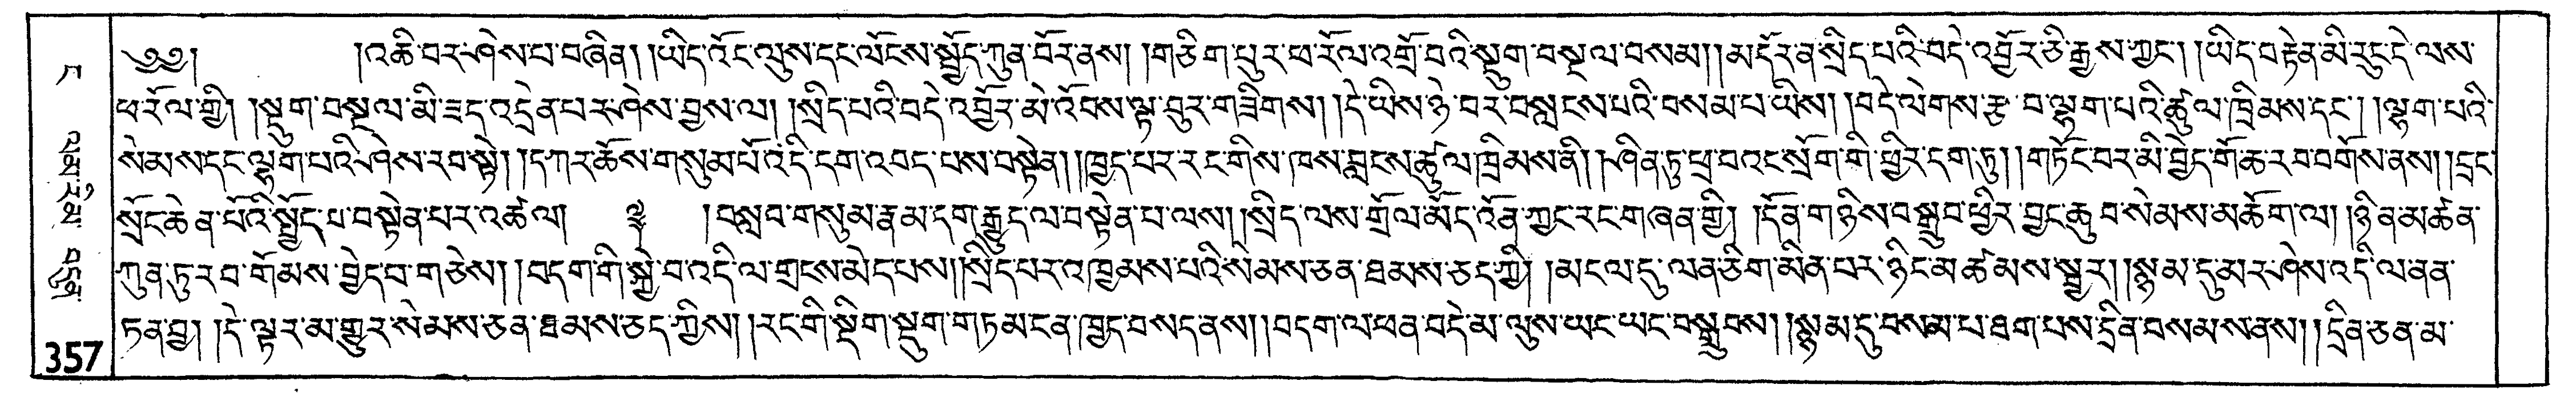༄༅། །འཆི་བར་ཤེས་པ་བཞིན། །ཡིད་འོང་ལུས་དང་ལོངས་སྤྱོད་ཀུན་བོར་ནས། །གཅིག་པུར་ཕ་རོལ་འགྲོ་བའི་སྡུག་བསྔལ་བསམ། །མདོར་ན་སྲིད་པའི་བདེ་འབྱོར་ཅི་རྒྱས་ཀྱང་། །ཡིད་བརྟེན་མི་རུང་དེ་ལས་
ཕ་རོལ་གྱི། །སྡུག་བསྔལ་མི་ཟད་འདྲེན་པར་ཤེས་བྱས་ལ། །སྲིད་པའི་བདེ་འབྱོར་མེ་འོབས་ལྟ་བུར་གཟིགས། །དེ་ཡིས་ཉེ་བར་བསླངས་པའི་བསམ་པ་ཡིས། །བདེ་ལེགས་རྩ་བ་ལྷག་པའི་ཚུལ་ཁྲིམས་དང་། །ལྷག་པའི་
སེམས་དང་ལྷག་པའི་ཤེས་རབ་སྟེ། །དཀར་ཆོས་གསུམ་པོ་འདི་དག་འབད་པས་བསྟེན། །ཁྱད་པར་རང་གིས་ཁས་བླངས་ཚུལ་ཁྲིམས་ནི། །ཤིན་ཏུ་ཕྲ་བའང་སྲོག་གི་ཕྱིར་དག་ཏུ། །གཏོང་བར་མི་བྱེད་གོ་ཆ་རབ་བགོས་ནས། །དྲང་
སྲོང་ཆེན་པོའི་སྤྱོད་པ་བསྟེན་པར་འཚལ། ༈ །བསླབ་གསུམ་རྣམ་དག་རྒྱུད་ལ་བསྟེན་པ་ལས། །སྲིད་ལས་གྲོལ་མོད་འོན་ཀྱང་རང་གཞན་གྱི། །དོན་གཉིས་བསྒྲུབ་ཕྱིར་བྱང་ཆུབ་སེམས་མཆོག་ལ། །ཉིན་མཚན་
ཀུན་ཏུ་རབ་གོམས་བྱེད་པ་གཅེས། །བདག་གི་སྐྱེ་བ་འདི་ལ་གྲངས་མེད་པས། །སྲིད་པར་འཁྱམས་པའི་སེམས་ཅན་ཐམས་ཅད་ཀྱི། །མངལ་དུ་ལན་ཅིག་མིན་པར་ཉིང་མཚམས་སྦྱར། །སྙམ་དུ་མར་ཤེས་འདི་ལ་ནན་
ཏན་བྱ། །དེ་ལྟར་མ་གྱུར་སེམས་ཅན་ཐམས་ཅད་ཀྱིས། །རང་གི་སྡིག་སྡུག་གཏམ་ངན་ཁྱད་བསད་ནས། །བདག་ལ་ཕན་བདེ་མ་ལུས་ཡང་ཡང་བསྒྲུབས། །སྙམ་དུ་བསམ་པ་ཐག་པས་དྲིན་བསམས་ནས། །དྲིན་ཅན་མ་